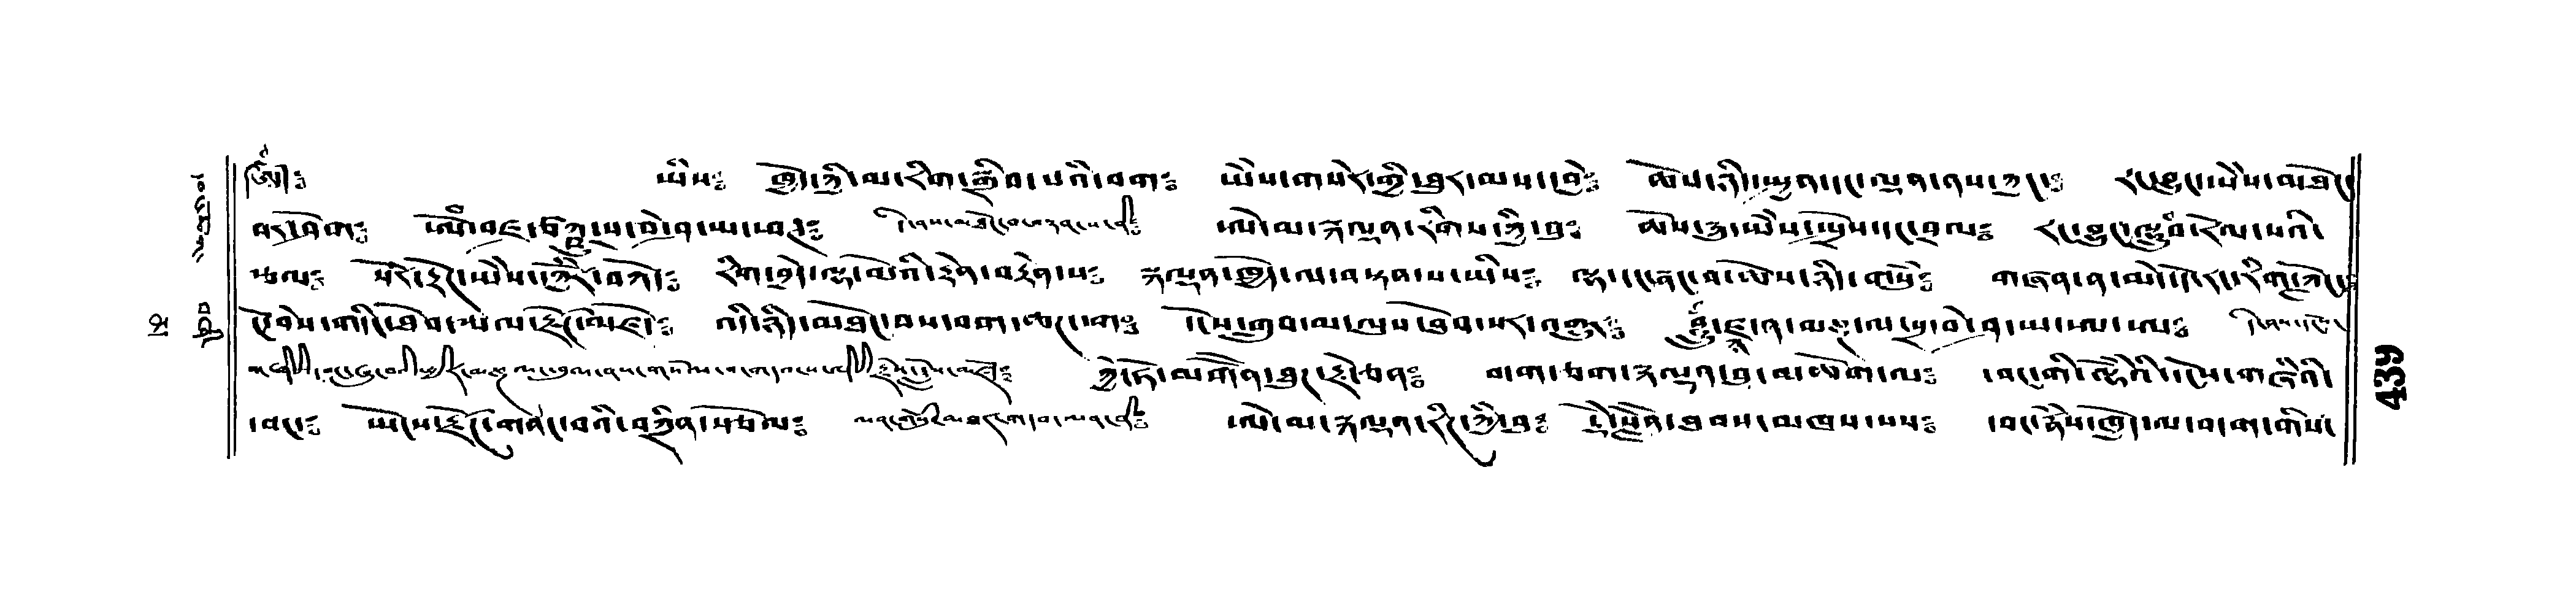ཡིས༔ ཁྱོད་ཀྱི་མ་རིག་སྒྲིབ་པའི་བག༔ ཡེ་ཤེས་གསེར་གྱི་ཐུར་མས་དབྱེ༔ ཆོས་ཉིད་སྤྱན་དང་ལྡན་ནས་ཀྱང༔ རང་བྱུང་ཡེ་ཤེས་མཐོང་
བར་ཤོག༔ ཨོཾ་བཛྲ་ཙཀྵུ་པྲ་བེ་ཤ་ཡ་ཕཊཿ དེ་ནས་མཐོང་བ་བསྟན་པ་ནི༔ ཨེ་མ་སྐལ་ལྡན་རིགས་ཀྱི་བུ༔ ཆོས་སྐུ་ཡེ་ཤེས་སྤྲོས་དང་བྲལ༔ རང་བྱུང་ལྷུན་གྲུབ་རོལ་པའི་
རྩལ༔ སོར་རྟོགས་ཡེ་ཤེས་དཀྱིལ་འཁོར་བཀོད༔ རིག་བྱེད་ལྷ་མོའི་རྟེན་བརྟེན་པ༔ སྐལ་ལྡན་ཁྱོད་ལ་བསྟན་པ་ཡིས༔ ལྷ་དང་སྣང་བ་ཆོས་ཉིད་གསུམ༔ གཞན་ན་མེད་དོ་རང་རིག་ཀློང༔ 
ངོ་བོས་གདིང་ཐོབ་རྩལ་རྫོགས་མཛོད༔ འདི་ཉིད་མཐོང་བས་བག་ཆགས་དག༔ དངོས་གྲུབ་མ་ལུས་ཐོབ་པར་འགྱུར༔ བྷྲཱུྃ་ཛྙཱ་ན་མཎྜལ་ལ་པྲ་བེ་ཤ་ཡ་ཨ་ཨཱཿ དེ་ནས་དངོས་
གཞིའི་དབང་ཞུ་བའི་ཕྱིར་མཎྜལ་ཕུལ་ནས་གསོལ་བ་གདབ་པ་འདིའི་རྗེས་ཟློས་མཛོད༔ ཀྱེ་ཧོ་མགོན་པོ་ཐུགས་རྗེ་ཅན༔ བདག་ཅག་སྐལ་ལྡན་བུ་མཆོག་ལ༔ དབང་གི་ལྷ་མོའི་དངོས་གཞིའི་
དབང༔ ཡོངས་རྫོགས་གནང་བའི་བཀའ་དྲིན་སྩོལ༔ ལན་གསུམ་མཐར་གདབ་ལན་ནི༔ ཨེ་མ་སྐལ་ལྡན་རིགས་ཀྱི་བུ༔ རྡོ་རྗེ་སློབ་དཔོན་ཐབས་མཁས་པས༔ དབང་རྣམས་ཁྱོད་ལ་བདག་གིས་